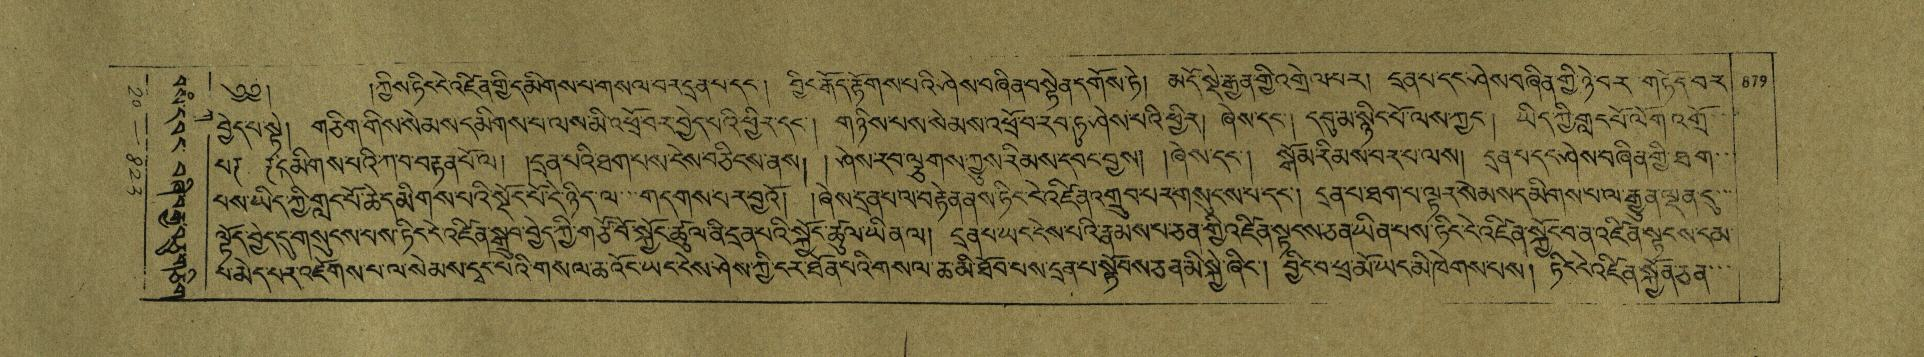༄༅། །ཀྱིས་ཏིང་ངེ་འཛིན་གྱི་དམིགས་པ་གསལ་བར་དྲན་པ་དང་། བྱིང་རྒོད་རྟོགས་པའི་ཤེས་བཞིན་བསྟེན་དགོས་ཏེ། མདོ་སྡེ་རྒྱན་གྱི་འགྲེལ་པར། དྲན་པ་དང་ཤེས་བཞིན་གྱི་ཉེ་བར་གཏོད་པར་
བྱེད་པ་སྟེ། གཅིག་གིས་སེམས་དམིགས་པ་ལས་མི་འཕྲོ་བར་བྱེད་པའི་ཕྱིར་དང་། གཉིས་པས་སེམས་འཕྲོ་བ་རབ་ཏུ་ཤེས་པའི་ཕྱིར། ཞེས་དང་། དབུ་མ་སྙིང་པོ་ལས་ཀྱང་། ཡིད་ཀྱི་གླང་པོ་ལོག་འགྲོ་
པ༑ ༑དམིགས་པའི་ཀ་བ་བརྟན་པོ་ལ། །དྲན་པའི་ཐག་པས་ངེས་བཅིངས་ནས། །ཤེས་རབ་ལྕགས་ཀྱུས་རིམས་དབང་བྱས། །ཞེས་དང་། སྒོམ་རིམས་བར་པ་ལས། དྲན་པ་དང་ཤེས་བཞིན་གྱི་ཐག་
པས་ཡིད་ཀྱི་གླང་པོ་ཆེ་དམིགས་པའི་སྡོང་པོ་དེ་ཉིད་ལ་གདགས་པར་བྱའོ། །ཞེས་དྲན་པ་ལ་བརྟེན་ནས་ཏིང་ངེ་འཛིན་འགྲུབ་པར་གསུངས་པ་དང་། དྲན་པ་ཐག་པ་ལྟར་སེམས་དམིགས་པ་ལ་རྒྱུན་ལྡན་དུ་
ལྟོད་བྱེད་དུ་གསུངས་པས་ཏིང་ངེ་འཛིན་སྒྲུབ་བྱེད་ཀྱི་གཙོ་བོ་སྐྱོང་ཚུལ་ནི་དྲན་པའི་སྐྱོང་ཚུལ་ཡིན་ལ། དྲན་པ་ཡང་ངེས་པའི་རྣམས་པ་ཅན་གྱི་འཛིན་སྟངས་ཅན་ཡིན་པས་ཏིང་ངེ་འཛིན་སྐྱོང་བ་ན་འཛིན་སྟངས་དམ་
པ་མེད་པར་འཇོགས་པ་ལ་སེམས་དྭང་པའི་གསལ་ཆ་འོང་ཡང་ངེས་ཤེས་ཀྱི་ངར་ཐོན་པའི་གསལ་ཆ་མི་ཐོབ་པས་དྲན་པ་སྟོབས་ཅན་མི་སྐྱེ་ཞིང་། བྱིང་པ་ཕྲ་མོ་ཡང་མི་ཁེགས་པས། ཏིང་ངེ་འཛིན་སྐྱོན་ཅན་